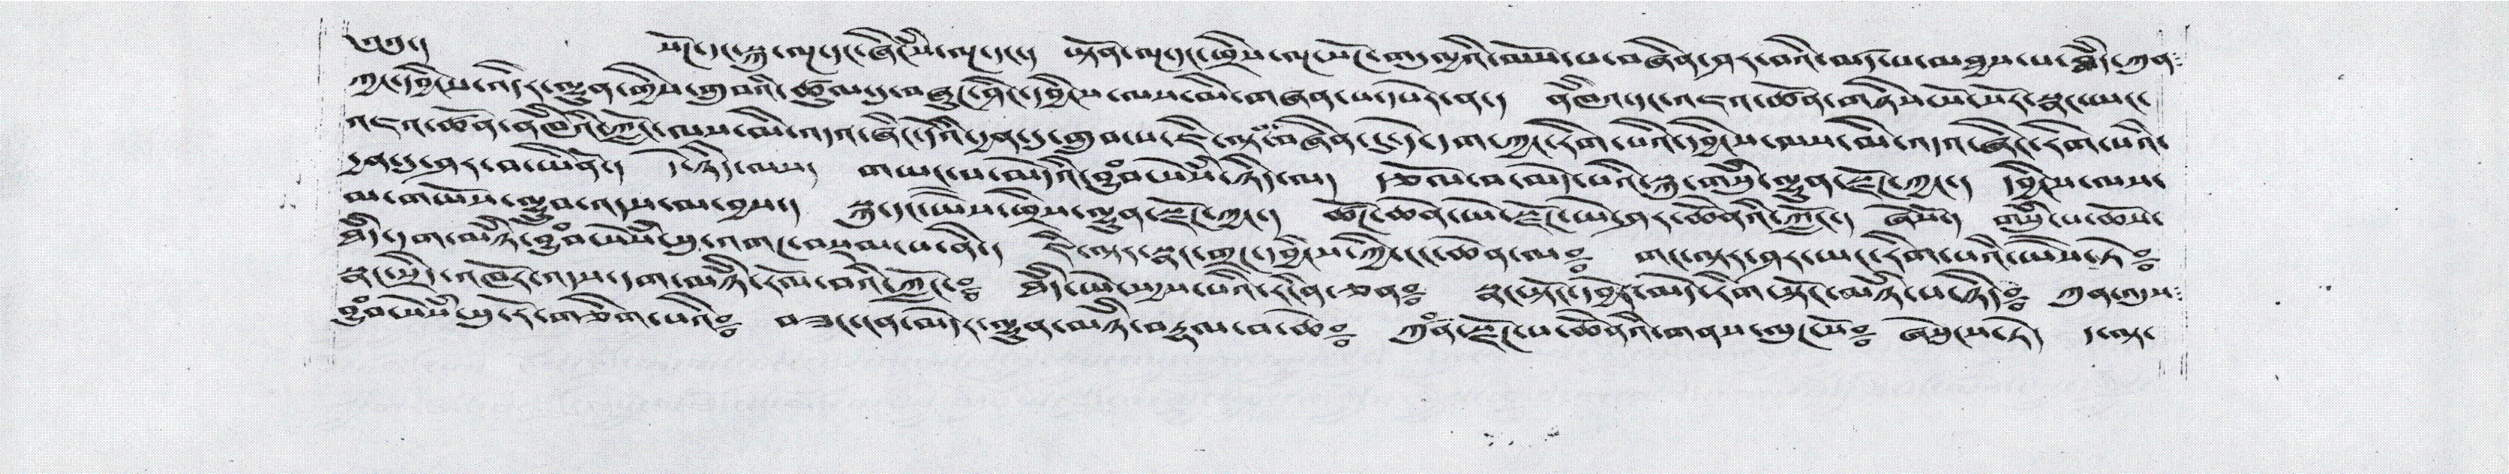སོགས་དང་། སྐུ་ལྔ་དང་ཞིང་ཁམས་ལྔ་དང་། ཡོན་ཏན་ལྔ་དང་ཕྲིན་ལས་ལྔ་སོགས་གདུལ་བྱའི་མོས་པ་བཞིན་ཤར་བའི་མཛད་པ་མཐའ་ཡས་པ་ཐམས་ཅད་ཀུན་
ཀྱང་དབྱིངས་འདིར་ལྷུན་གྱིས་གྲུབ་པའི་ཚུལ་དུ་བཞུགས་ཤིང་དབྱིངས་ལས་མི་གཞན་པ་དཔེར་ན། ནམ་མཁའ་དང་འཇའ་ཚོན་བཞིན་སོ་སོར་སྣང་ཡང་
གཞའ་ཚོན་ནམ་མཁའི་ཀློང་ལས་མི་འདའ་ཞིང་དེའི་རྒྱན་དུ་གྲུབ་པ་ཇི་ལྟ་བ་བཞིན་དུ་དེ་དག་ཀྱང་རིག་པའི་དབྱིངས་ལས་མི་འདའ་ཞིང་རིག་པའི་
རྒྱན་དུ་ཤར་བ་ཡིན་ནོ། དེ་ཉིད་ལས། གཡང་ས་མེད་པའི་བྱང་ཆུབ་སེམས་ཉིད་ལ། རྩོལ་བ་མེད་པའི་སྐུ་གསུམ་ལྷུན་རྫོགས་ཀྱང་། དབྱིངས་ལས་
མ་གཡོས་ལྷུན་གྲུབ་འདུས་མ་བྱས། སྐུ་དང་ཡེ་ཤེས་ཕྲིན་ལས་ལྷུན་རྫོགས་ཀྱང་། ཚོགས་ཆེན་ཡེ་རྫོགས་ཡེ་ཤར་ཆེན་པོའི་ཀློང་། ཞེས་སོ། གསུམ་པ་ཆོས་
ཐམས་ཅད་དག་མཉམ་བྱང་ཆུབ་སེམས་སུ་འགག་བསྡམས་པ་ནི། ཇི་ལྟ་སྣང་གྲགས་དབྱིངས་ཀྱི་ངང་ཆེན་ལཿ གང་ལྟར་ཤར་ཡང་རིག་པའི་ཡེ་ཤེས་ཏེཿ 
སྣང་སྲིད་འཁོར་འདས་དག་མཉམ་རོལ་པའི་ཀློངཿ ཐམས་ཅད་ཡེ་སངས་རྒྱས་རྒྱས་པའི་རང་བཞིན་ཅནཿ སྣང་སྟོང་དབྱེར་མེད་རིག་སྟོང་མཉམ་པ་ཉིདཿ ཀུན་འདུས་
བྱང་ཆུབ་སེམས་སུ་རོ་གཅིག་པའིཿ བཟང་ངན་མེད་པར་ལྷུན་གྲུབ་བརྡལ་པ་ཆེཿ ཀུན་བཟང་རྫོགས་པ་ཆེན་པོའི་གནས་ལུགས་སོཿ ཞེས་གསུངས་ཏེ། ད་ལྟ་